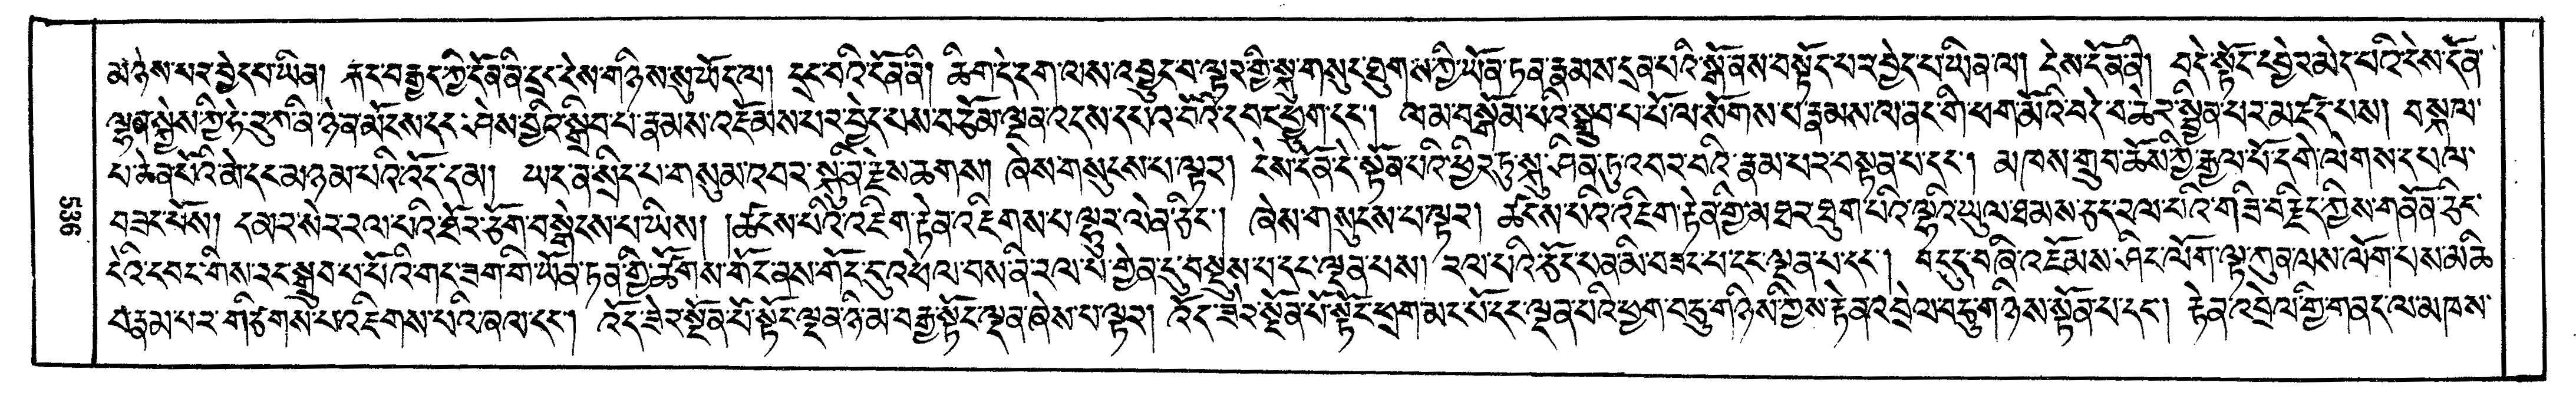མཉེས་པར་བྱེད་པ་ཡིན། རྐང་བརྒྱད་ཀྱི་དོན་ནི་དྲང་ངེས་གཉིས་སུ་ཡོད་ལ། དྲང་བའི་དོན་ནི། ཚིག་དེ་དག་ལས་འབྱུང་བ་ལྟར་གྱི་སྐུ་གསུང་ཐུགས་ཀྱི་ཡོན་ཏན་རྣམས་དྲན་པའི་སྒོ་ནས་བསྟོད་པར་བྱེད་པ་ཡིན་ལ། ངེས་དོན་ནི། བདེ་སྟོང་དབྱེར་མེད་པའི་ངེས་དོན་
ལྷན་སྐྱེས་ཀྱི་ཧེ་རུ་ཀ་ནི་ཉེན་མོངས་དང་ཤེས་བྱའི་སྒྲིབ་པ་རྣམས་འཇོམས་པར་བྱེད་པས་བཅོམ་ལྡན་འདས་དཔའ་བོའི་དབང་ཕྱུག་དང་། ལམ་བསྒོམ་པའི་སྒྲུབ་པ་པོ་ལ་སོགས་པ་རྣམས་ལ་ནང་གི་ཕག་མོའི་བདེ་བ་ཆེར་སྦྱིན་པར་མཛད་པས། བསྐལ་
པ་ཆེན་པོའི་མེ་དང་མཉམ་པའི་འོད་དམ། ཡང་ན་སྲིད་པ་གསུམ་འབར་སྐུ་ནི་རྗེས་ཆགས། ཞེས་གསུངས་པ་ལྟར། ངེས་དོན་དེ་སྟོན་པའི་ཕྱིར་ཏུ་སྐུ་ཤིན་ཏུ་འབར་བའི་རྣམ་པར་བསྟན་པ་དང་། མཁས་གྲུབ་ཆོས་ཀྱི་རྒྱལ་པོ་དགེ་ལེགས་དཔལ་
བཟང་པོས། དམར་སེར་རལ་བའི་ཐོར་ཅོག་བསྒྲེངས་པ་ཡིས། །ཚངས་པའི་འཇིག་རྟེན་འཇིགས་པ་ལྷུར་ལེན་ཅིང་། ཞེས་གསུངས་པ་ལྟར། ཚངས་པའི་འཇིག་རྟེན་གྱི་མཐར་ཐུག་པའི་ལྷའི་ཡུལ་ཐམས་ཅད་རལ་པའི་གཟི་བརྗིད་ཀྱིས་གནོན་ཅིང་།
དེའི་དབང་གིས་རང་སྒྲུབ་པ་པོའི་གང་ཟག་གི་ཡོན་ཏན་གྱི་ཚོགས་གོང་ནས་གོང་དུ་འཕེལ་བས་ནི་རལ་པ་གྱེན་དུ་བསྡུས་པ་དང་ལྡན་པས། རལ་པའི་ཅོད་པན་མི་བཟང་པ་དང་ལྡན་པ་དང་། བདུད་བཞི་འཇོམས་ཤིང་ལོག་ལྟ་ཀུན་ལས་ལོག་པས་མཆེ་
བ་རྣམ་པར་གཙིགས་པ་འཇིགས་པའི་ཞལ་དང་། འོད་ཟེར་སྔོན་པོ་སྟོང་ལྡན་ཉི་མ་བརྒྱ་སྟོང་ལྡན་ཞེས་པ་ལྟར། འོད་ཟེར་སྔོན་པོ་སྟོང་ཕྲག་མང་པོ་དང་ལྡན་པའི་ཕྱག་བཅུ་གཉིས་ཀྱིས་རྟེན་འབྲེལ་བཅུ་གཉིས་སྟོན་པ་དང་། རྟེན་འབྲེལ་གྱི་གནད་ལ་མཁས་